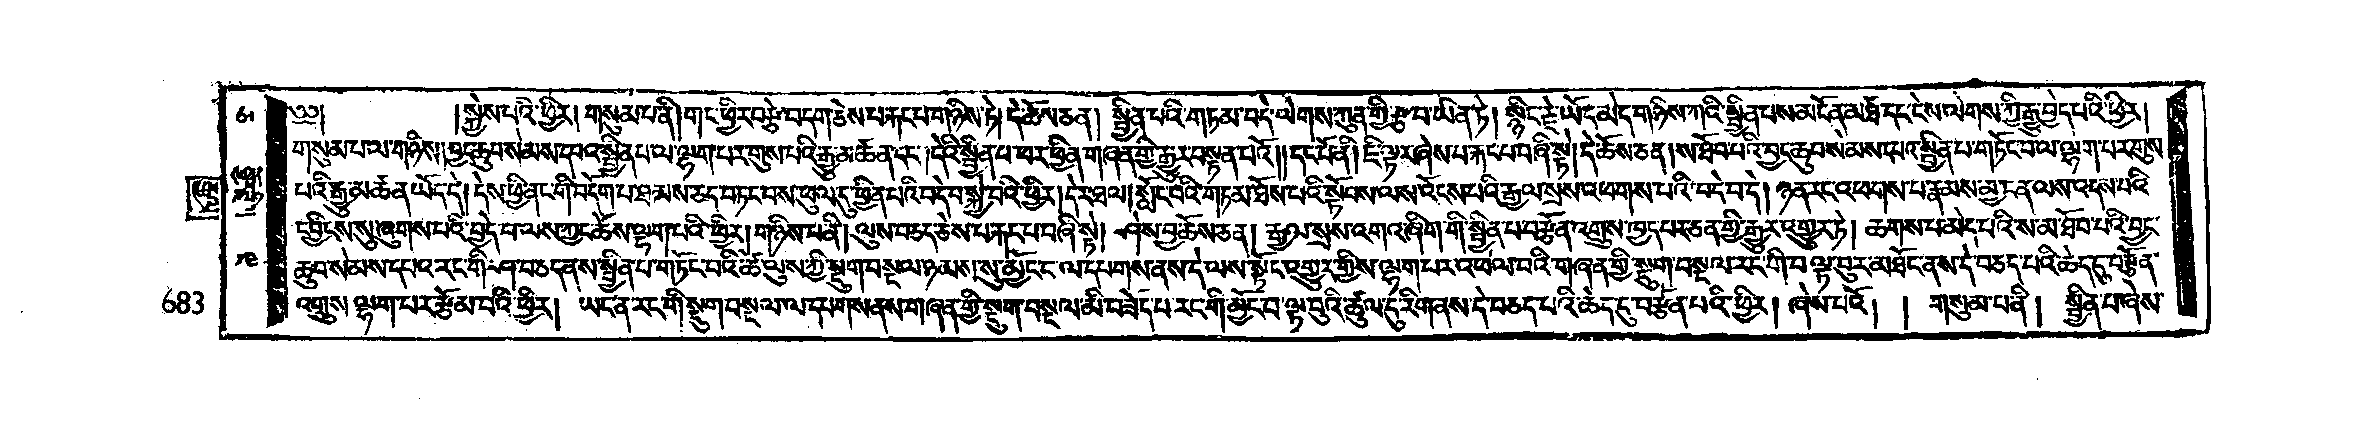༄༅། །སྐྱེས་པའི་ཕྱིར། གསུམ་པ་ནི། གང་ཕྱིར་བརྩེ་བདག་ཅེས་པ་རྐང་པ་གཉིས་ཏེ། དེ་ཆོས་ཅན། སྦྱིན་པའི་གཏམ་བདེ་ལེགས་ཀུན་གྱི་རྩ་བ་ཡིན་ཏེ། སྙིང་རྗེ་ཡོད་མེད་གཉིས་ཀའི་སྦྱིན་པས་མངོན་མཐོ་དང་ངེས་ལེགས་ཀྱི་རྒྱུ་བྱེད་པའི་ཕྱིར།
གསུམ་པ་ལ་གཉིས། བྱང་ཆུབ་སེམས་དཔའ་སྦྱིན་པ་ལ་ལྷག་པར་གུས་པའི་རྒྱུ་མཚན་དང་། དེའི་སྦྱིན་པ་ཕར་ཕྱིན་གཞན་གྱི་རྒྱུར་བསྟན་པའོ། །དང་པོ་ནི། ཇི་ལྟར་ཞེས་པ་རྐང་པ་བཞི་སྟེ། དེ་ཆོས་ཅན། ས་ཐོབ་པའི་བྱང་ཆུབ་སེམས་དཔའ་སྦྱིན་པ་གཏོང་བ་ལ་ལྷག་པར་གུས་
པའི་རྒྱུ་མཚན་ཡོད་དེ། དེས་ཕྱི་ནང་གི་བདོག་པ་ཐམས་ཅད་བཏང་བས་ཕུལ་དུ་ཕྱིན་པའི་བདེ་བ་སྐྱེ་བའི་ཕྱིར། དེར་ཐལ། སློང་བའི་གཏམ་ཐོས་པའི་སྟོབས་ལས་འོངས་པའི་རྒྱལ་སྲས་འཕགས་པའི་བདེ་བ་དེ། ཉན་རང་འཕགས་པ་རྣམས་མྱ་ངན་ལས་འདས་པའི་
དབྱིངས་སུ་ཞུགས་པའི་བྱེད་པ་ལས་ཀྱང་ཆོས་ལྷག་པའི་ཕྱིར། གཉིས་པ་ནི། ལུས་བཅད་ཅེས་པ་རྐང་པ་བཞི་སྟེ། ཤེས་བྱ་ཆོས་ཅན། རྒྱལ་སྲས་འགའ་ཞིག་གི་སྦྱིན་པ་བརྩོན་འགྲུས་ཁྱད་པར་ཅན་གྱི་རྒྱུར་འགྱུར་ཏེ། ཆགས་པ་མེད་པའི་ས་མ་ཐོབ་པའི་བྱང་
ཆུབ་སེམས་དཔའ་རང་གི་ཤ་བཅད་ནས་སྦྱིན་པ་གཏོང་བའི་ཚེ་ལུས་ཀྱི་སྡུག་བསྔལ་ཉམས་སུ་མྱོང་བ་ལ་དཔགས་ནས་དེ་ལས་སྟོང་འགྱུར་གྱིས་ལྷག་པར་འཕེལ་བའི་གཞན་གྱི་སྡུག་བསྔལ་རང་གི་བལྟ་བུར་མཐོང་ནས་དེ་བཅད་པའི་ཆེད་དུ་བརྩོན་
འགྲུས་ལྷག་པར་རྩོམ་པའི་ཕྱིར། ཡང་ན་རང་གི་སྡུག་བསྔལ་ལ་དཔགས་ནས་གཞན་གྱི་སྡུག་བསྔལ་མི་བཟོད་པ་རང་གི་མྱོང་བ་ལྟ་བུའི་ཚུལ་དུ་རིག་ནས་དེ་བཅད་པའི་ཆེད་དུ་བརྩོན་པའི་ཕྱིར། ཞེས་པའོ། །གསུམ་པ་ནི། སྦྱིན་པ་ཞེས་